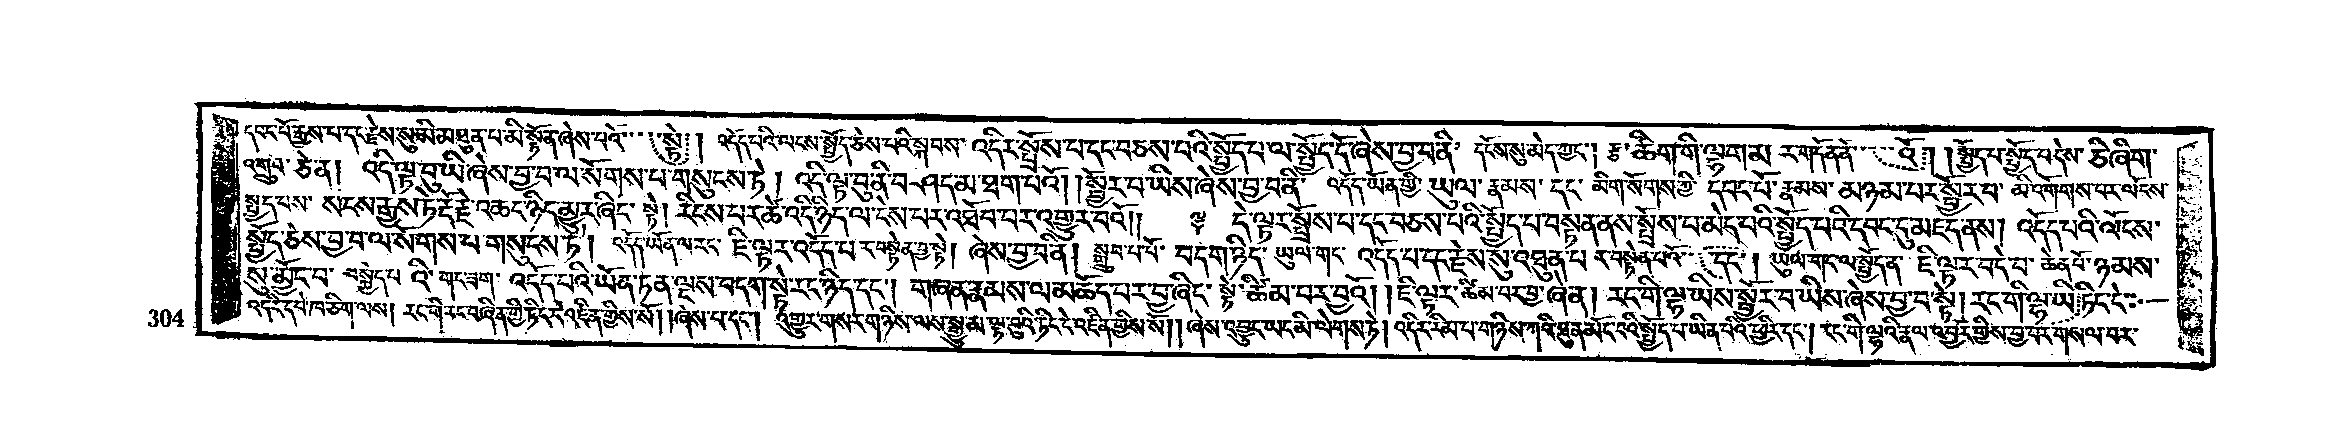དབང་པོ་རྒྱས་པ་དང་རྗེས་སུ་མི་མཐུན་པ་མི་སྟོན་ཞེས་པའོ་སྟེ། འདོད་པའི་ལོངས་སྤྱོད་ཅེས་པའི་སྐབས་འདིར་སྤྲོས་པ་དང་བཅས་པའི་སྤྱོད་པ་ལ་སྤྱོད་དོ་ཞེས་བྱ་བ་ནི་དངོས་སུ་མེད་ཀྱང་། རྩ་ཚིག་གི་ལྷག་མར་གདོན་ནོ་འོ། ། སྤྱོད་པ་སྤྱོད་པ་དེས་ཅི་ཞིག་
འགྲུབ་ཅེ་ན། འདི་ལྟ་བུ་ཡི་ཞེས་བྱ་བ་ལ་སོགས་པ་གསུངས་ཏེ། འདི་ལྟ་བུ་ནི་བཤད་མ་ཐག་པའོ། །སྦྱོར་བ་ཡིས་ཞེས་བྱ་བ་ནི་འདོད་ཡོན་གྱི་ཡུལ་རྣམས་དང་མིག་སོགས་ཀྱི་དབང་པོ་རྣམས་མཉམ་པར་སྦྱོར་བ་མི་འགོགས་པར་ལོངས་
སྤྱོད་པས་སངས་རྒྱས་ཏེ་རྡོ་རྗེ་འཆང་ཉིད་མྱུར་ཞིང་སྟེ། རིངས་པར་ཚེ་འདི་ཉིད་ལ་ངེས་པར་འཐོབ་པར་འགྱུར་བའོ།། ༈ དེ་ལྟར་སྤྲོས་པ་དང་བཅས་པའི་སྤྱོད་པ་བསྟན་ནས་སྤྲོས་པ་མེད་པའི་སྤྱོད་པའི་དབང་དུ་མཛད་ནས། འདོད་པའི་ལོངས་
སྤྱོད་ཅེས་བྱ་བ་ལ་སོགས་པ་གསུངས་ཏེ། འདོད་ཡོན་ལ་རང་ཇི་ལྟར་འདོད་པར་བསྟེན་བྱ་སྟེ། ཞེས་བྱ་བ་ནི། སྒྲུབ་པ་པོ་བདག་ཉིད་ཡུལ་གང་འདོད་པ་དང་རྗེས་སུ་འཐུན་པར་བསྟེན་པའོ་དང་། ཡུལ་གང་ལ་སྤྱོད་ན་ཇི་ལྟར་བདེ་བ་ཆེན་པོ་ཉམས་
སུ་མྱོང་བ་བསྐྱེད་པའི་གང་ཟག་འདོད་པའི་ཡོན་ཏན་ལྔས་བདག་སྟེ་རང་ཉིད་དང་། གཞན་རྣམས་ལ་མཆོད་པར་བྱ་ཞིང་སྟེ་ཚིམ་པར་བྱའོ། །ཇི་ལྟར་ཚིམ་པར་བྱ་ཞེ་ན། རང་གི་ལྷ་ཡིས་སྦྱོར་བ་ཡིས་ཞེས་བྱ་བ་སྟེ། རང་གི་ལྷ་ཡི་ཏིང་ངེཿ
འདིར་དཔེ་ཁ་ཅིག་ལས། རང་གི་རང་བཞིན་གྱི་ཏིང་ངེ་འཛིན་གྱིས་སོ། །ཞེས་པ་དང་། འགྱུར་གསར་གཉིས་ལས་སྒྱུ་མ་ལྟ་བུའི་ཏིང་ངེ་འཛིན་གྱིས་སོ། །ཞེས་འབྱུང་ཡང་མི་ལེགས་ཏེ། འདིར་རིམ་པ་གཉིས་ཀའི་ཐུན་མོང་བའི་སྤྱོད་པ་ཡིན་པའི་ཕྱིར་དང་། རང་གི་ལྷའི་རྣལ་འབྱོར་གྱིས་བྱ་བར་གསལ་བར་